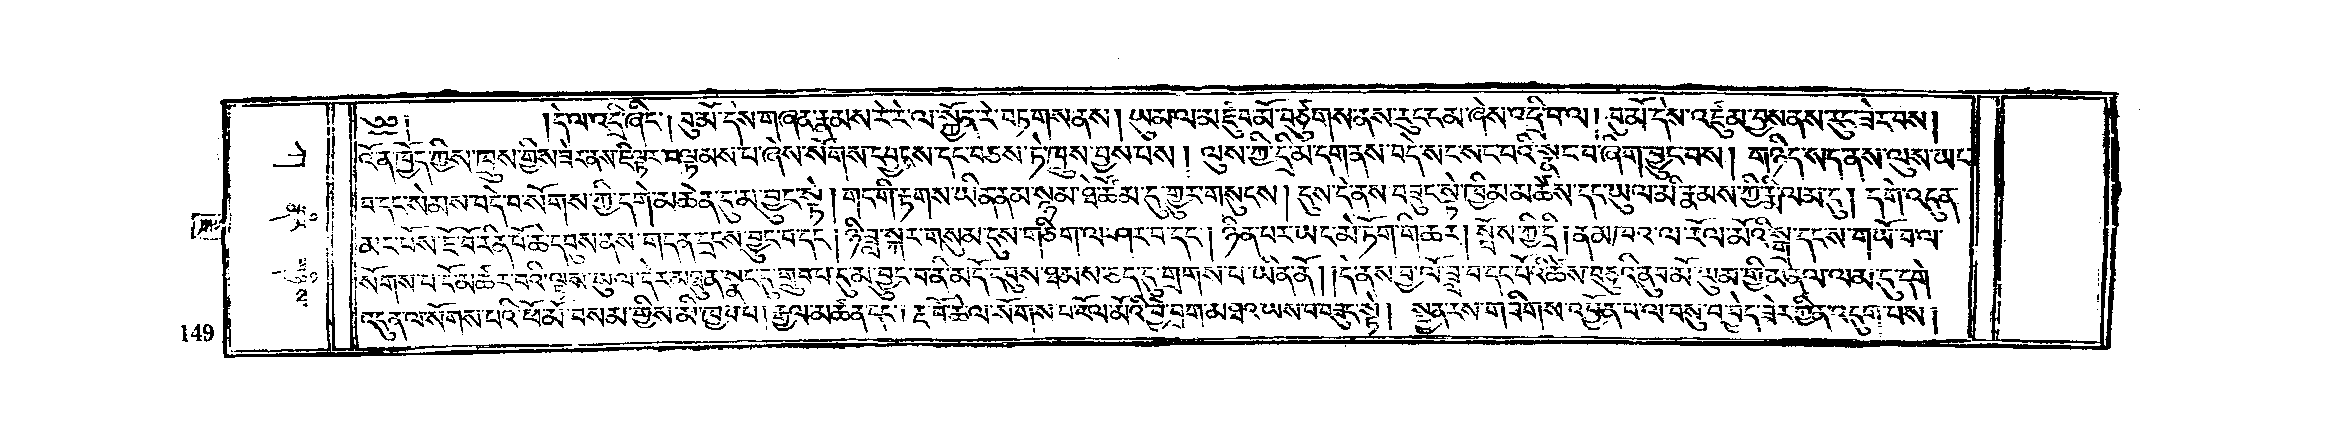༄༅། །དེ་ལ་འདྲི་ཞིང་། བུ་མོ་དེས་གཞན་རྣམས་རེ་རེ་ལ་སྐྱོན་རེ་བཏགས་ནས། ཡུམ་ལ་མཛུབ་མོ་བཙུགས་ནས་རུང་ངམ་ཞེས་འདྲི་བ་ལ། བུ་མོ་དེས་འཛུམ་བྱས་ནས་རུང་ཟེར་བས།
འོ་ན་ཁྱོད་ཀྱིས་ཁྲུས་གྱིས་ཟེར་ནས་ཇི་ལྟར་བལྟམས་པ་ཞེས་སོགས་དབྱངས་དང་བཅས་ཏེ་ཁྲུས་བྱས་པས། ལུས་ཀྱི་དྲི་མ་དག་ནས་བདེ་སང་སང་བའི་སྣང་བ་ཞིག་བྱུང་བས། གཉིད་སད་ནས་ལུས་ཡང་
བ་དང་སེམས་བདེ་བ་སོགས་ཀྱི་དགེ་མཆེན་དུ་མ་བྱུང་སྟེ། གང་གི་རྟགས་ཡིན་ནམ་སྙམ་ཐེ་ཚོམ་དུ་གྱུར་གསུངས། དུས་དེ་ནས་བཟུང་སྟེ་ཁྱིམ་མཚེས་དང་ཡུལ་མི་རྣམས་ཀྱི་རྨི་ལམ་དུ། དགེ་འདུན་
མང་པོས་ཇོ་བོ་རིན་པོ་ཆེ་དབུས་ནས་གདན་དྲངས་བྱུང་བ་དང་། ཉི་ཟླ་སྐར་གསུམ་དུས་གཅིག་ལ་ཤར་བ་དང་། ཉིན་པར་ཡང་མེ་ཏོག་གི་ཆར། སྤོས་ཀྱི་དྲི། ནམ་མཁའ་ལ་རོལ་མོའི་སྒྲ་དང་ས་གཡོ་བ་ལ་
སོགས་པ་ངོ་མཚར་བའི་ལྟས་ཡུལ་དེར་མཐུན་སྣང་དུ་གྲུབ་པ་དུ་མ་བྱུང་བ་ནི་མདོ་དབུས་ཐམས་ཅད་དུ་གྲགས་པ་ཡིན་ནོ། །དེ་ནས་བྱ་ལོ་ཟླ་བ་དང་པོའི་ཚེས་བཅུའི་ནུབ་མོ་ཡུམ་གྱི་མནལ་ལམ་དུ་དགེ་
འདུན་ལ་སོགས་པའི་ཕོ་མོ་བསམ་གྱིས་མི་ཁྱབ་པ། རྒྱལ་མཚན་དང་། རྔ་བོ་ཆེ་ལ་སོགས་པ་རོལ་མོའི་བྱེ་བྲག་མཐའ་ཡས་པ་བཟུང་སྟེ། སྤྱན་རས་གཟིགས་འབྱོན་པ་ལ་བསུ་བ་བྱེད་ཟེར་གྱིན་འདུག་པས།